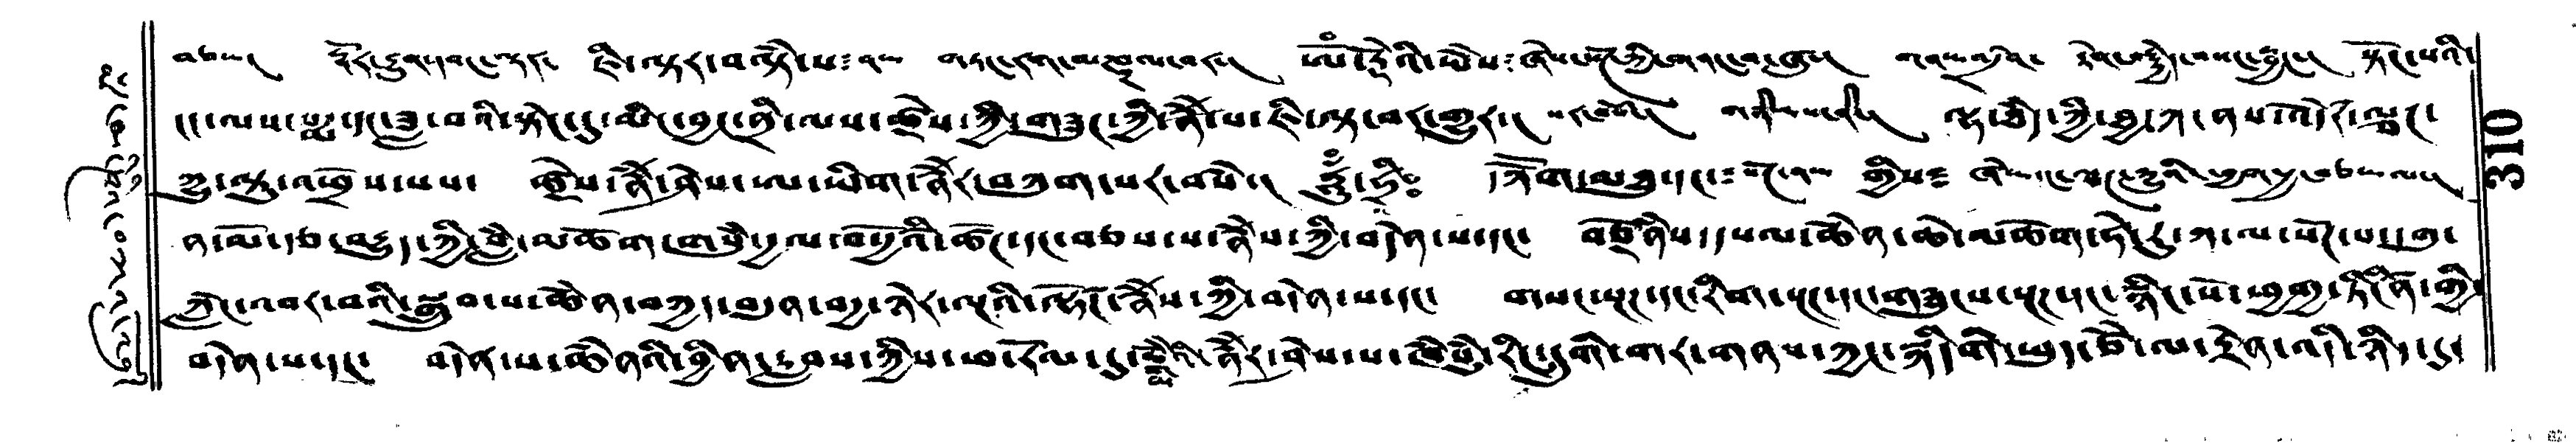བཅས། རྣལ་འབྱོར་རྒྱུན་དབང་ལྟར། ཇི་ལྟར་བལྟམས་པ༴ ནས། གཏང་རག་མཎྜལ་བར། ཨོཾ༔རྡོ་རྗེའི་ཡེ་ཤེས༴ ཞེས་སོགས་ཀྱི་གནང་བ་ཞུ། གནས་འདྲེན། རྟེན་བསྐྱེད། བསང་སྦྱང་། སྟོང་པའི་
ངང་ལས་པདྨ་དང་ཟླ་བའི་སྟེང་དུ་མིང་བྱང་ནྲྀ་ལས་ཚེ་འདས་ཀྱི་གཟུགས་ཀྱི་རྣམ་པ་ཇི་ལྟ་བར་གྱུར། བར་བསམ། གཉིས་པ་ནི། ལྷ་ཐམས་ཅད་ཀྱི་ཐུགས་ཀ་ནས་འོད་ཟེར་ལྕགས་
ཀྱུ་ལྟ་བུ་འཕྲོས་པས། ཚེ་འདས་ཀྱི་རྣམ་ཤེས་ཨ་ཡིག་གི་རྣམ་པར་བཀུག་པར་བསམ། ཧཱུྃ་ཧྲཱིཿ དཀོན་མཆོག་མཐུ་དང༴ སོགས་ནས། གྱིས༔ ཞེས་དང་། ལྕགས་ཀྱུའི་ཕྱག་རྒྱ་བཅས་ལ། 
ན་མོ། རྩ་བརྒྱུད་ཀྱི་བླ་མ་མཆོག་གསུམ་རྒྱལ་བ་རྒྱ་མཚོའི་ཚོགས་དང་བཅས་པ་རྣམས་ཀྱི་བདེན་པ་དང་། བཅོམ་ལྡན་འདས་དཔལ་ཆེན་པོ་ཆེ་མཆོག་ཧེ་རུ་ཀ་ལ་སོགས་པ་དགུ་
ཀློང་འབར་བའི་སྒྲུབ་པ་ཆེན་པོ་བཀའ་བརྒྱད་བདུན་བརྒྱ་ཉེར་ལྔའི་ལྷ་ཚོགས་རྣམས་ཀྱི་བདེན་པ་དང་། གསང་སྔགས་དང་རིག་སྔགས་དང་གཟུངས་སྔགས་དང་སྙིང་པོ་ཕྱག་རྒྱ་ཏིང་འཛིན་གྱི་
བདེན་པ་དང་། བདེན་པ་ཆེན་པོའི་བྱིན་རླབས་ཀྱིས་འཇིག་རྟེན་འདི་ནས་ཕ་རོལ་དུ་སོང་བ་ཆེ་གེ་མོའྀ་རྣམ་པར་ཤེས་པ་ཁམས་གསུམ་རིགས་དྲུག་གར་གནས་ཀྱང་སྐད་ཅིག་གི་ཡུད་ཙམ་ལ་རྟེན་འདི་ཉིད་དུ་